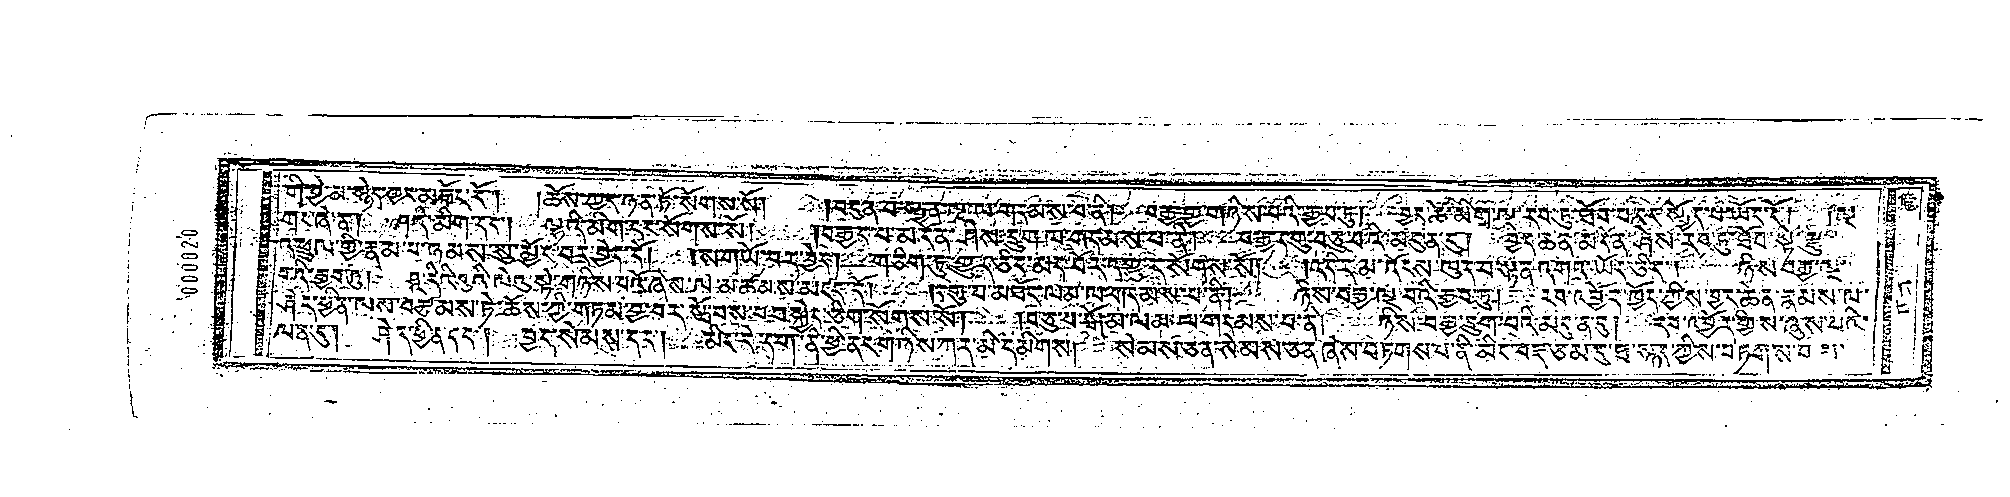གི་བྱེ་མ་སྙེད་ཀྱང་མཐོང་ངོ། །ཆོས་ཀྱང་ཉན་ཏོ་སོགས་སོ། །བདུན་བ་སྤྱན་ལྔ་ལ་གདམས་པ་ནི། བརྒྱ་གྱ་གཉིས་པའི་རྒྱབ་ཏུ། བྱང་ཚེ་མིག་ལྔ་རབ་ཏུ་ཐོབ་པ་དང་སྤྱོད་པ་ཡོད་དོ། །ལྔ་
གང་ཞེ་ན། ཤའི་མིག་དང་། ལྷའི་མིག་དང་སོགས་སོ། །བརྒྱད་པ་མངོན་ཤེས་དྲུག་ལ་གདམས་པ་ནི། བརྒྱ་དགུ་བཅུ་བའི་མདུན་དུ། བྱང་ཆེན་མངོན་ཤེས་རབ་ཏུ་ཐོབ་སྟེ་རྫུ་
འཕྲུལ་གྱི་རྣམ་པ་ཉམས་སུ་མྱོང་བར་བྱེད་དོ། །ས་གཡོ་བར་བྱེད། གཅིག་ཏུ་གྱུར་ཅིང་མང་བོར་འགྱུར་སོགས་སོ། །འདིར་མ་འོངས་ལུང་བསྟན་འགའ་ཡོད་ཅིང་། ཉིས་བརྒྱ་ལྔ་
བའི་རྒྱབ་ཏུ། ཤཱ་རིའི་བུའི་ལེའུ་སྟེ་གཉིས་པའོ་ཞེས་ལེ་མཚམས་མཛད་དོ། །དགུ་པ་མཐོང་ལམ་ལ་གདམས་པ་ནི། ཉིས་བརྒྱ་ལྔ་བའི་རྒྱབ་ཏུ། རབ་འབྱོར་ཁྱོད་ཀྱིས་བྱང་ཆེན་རྣམས་ལ་
ཤེར་ཕྱིན་ལས་བརྩམས་ཏེ་ཆོས་ཀྱི་གཏམ་བྱ་བར་སྤོ་བས་པ་བསྐྱེད་ཅིག་སོགས་སོ། །བཅུ་པ་སྒོམ་ལམ་ལ་གདམས་བ་ནི། ཉིས་བརྒྱ་དྲུག་པའི་མདུན་དུ། རབ་འབྱོར་གྱིས་ཞུས་པའི་
ལན་དུ། ཤེར་ཕྱིན་དང་། བྱང་སེམས་དང་། མིང་དེ་དག་ནི་ཕྱི་ནང་གཉིས་ཀར་མི་དམིགས། སེམས་ཅན་སེམས་ཅན་ཞེས་བཏགས་པ་ནི་མིང་བརྡ་ཙམ་དུ་ཐ་སྙད་ཀྱིས་བཏགས་བ་མ་